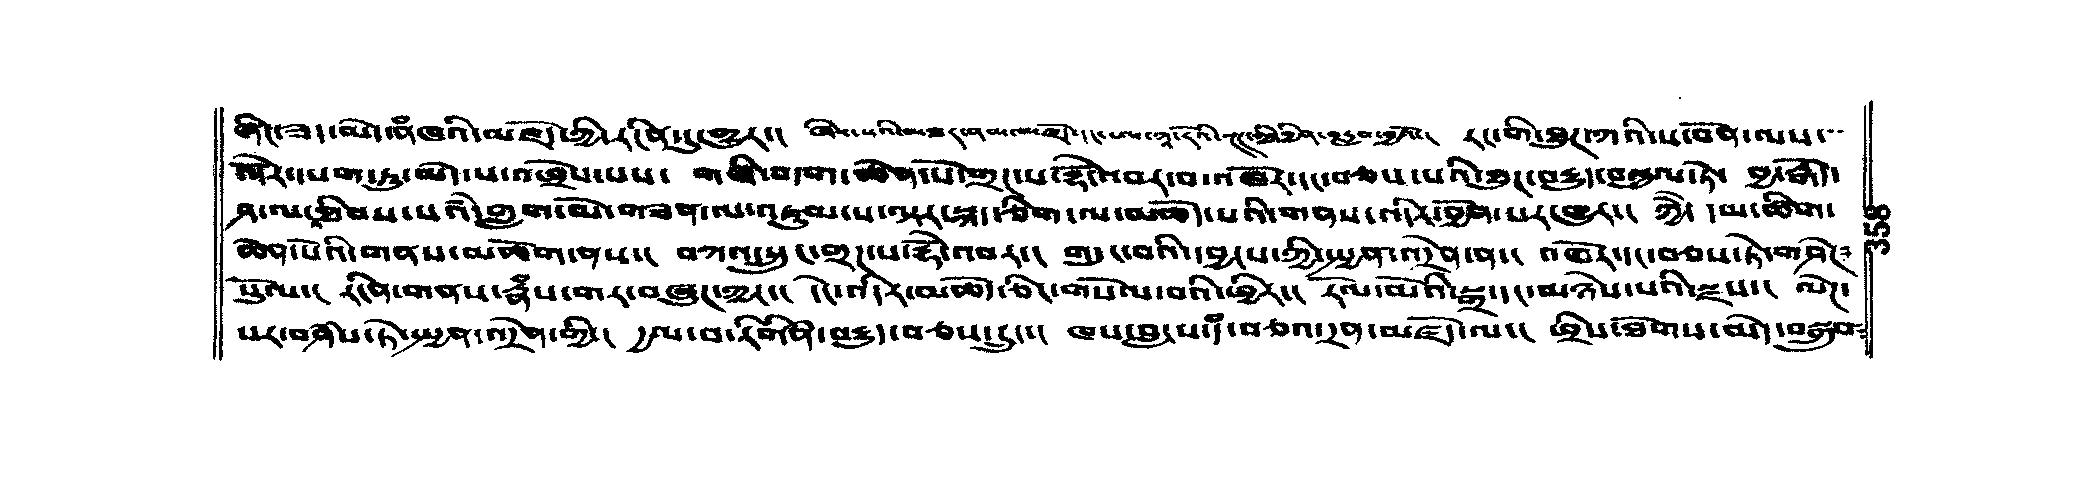ཞིང་ཟག་མེད་ནམ་མཁའི་མཛོད་ཀྱི་རང་བཞིན་དུ་གྱུར། ཞེས་པའི་མཐར་ནམ་མཛོད་དང་ཨཀཱ་རོའི་སྔགས་ཀྱི་བྱིན་བརླབ་བྱའོ། རང་གི་ཐུགས་ཀའི་ས་བོན་ལས་
འོད་ཟེར་དཔག་ཏུ་མེད་པ་འཕྲོས་པས། གཞི་བདག་ཆེན་པོ་གྲགས་པ་རྡོ་རྗེ་བར་བ་འཁོར་དང་བཅས་པའི་ཐུགས་དང་བཅས་པའི་ཐུགས་རྒྱུད་བསྐུལ་ཏེ། བྱ་རྒོད་
ཤ་ལ་འཐིབས་པའམ་གླག་མོ་གཟན་ལ་འཛུམ་པ་ལྟར་སྐད་ཅིག་ལ་མཆོད་པའི་གནས་འདིར་བྱོན་པར་གྱུར། །ཀྱཻ། དམ་ཚིག་
ཆེན་པོའི་གནས་མཆོག་ནས། །བཀའ་སྲུང་གྲགས་པ་རྡོ་རྗེ་འབར། །གདུང་བའི་དབྱངས་ཀྱི་སྤྱན་འདྲེན་ན། །འཁོར་དང་བཅས་ཏེ་གཤེགས་
སུ་གསོལ། །རང་བཞིན་གནས་རྣམས་གར་བཞུགས་ཀྱང་། །དེང་འདིར་མཆོད་ཅིང་གསོལ་བའི་ཕྱིར། །རོལ་མོའི་སྒྲ་དང་མཉེས་པའི་རྫས། །ལེགས་
པར་བཤམས་ཏེ་སྤྱན་འདྲེན་གྱི། །རྒྱལ་བ་རིག་འཛིན་བརྒྱུད་བཅས་དྲུང་། །ཁས་བླངས་དམ་བཅའ་དྲན་མཛོད་ལ། །ཕྲིན་ལས་ཐོགས་མེད་བསྒྲུབ་